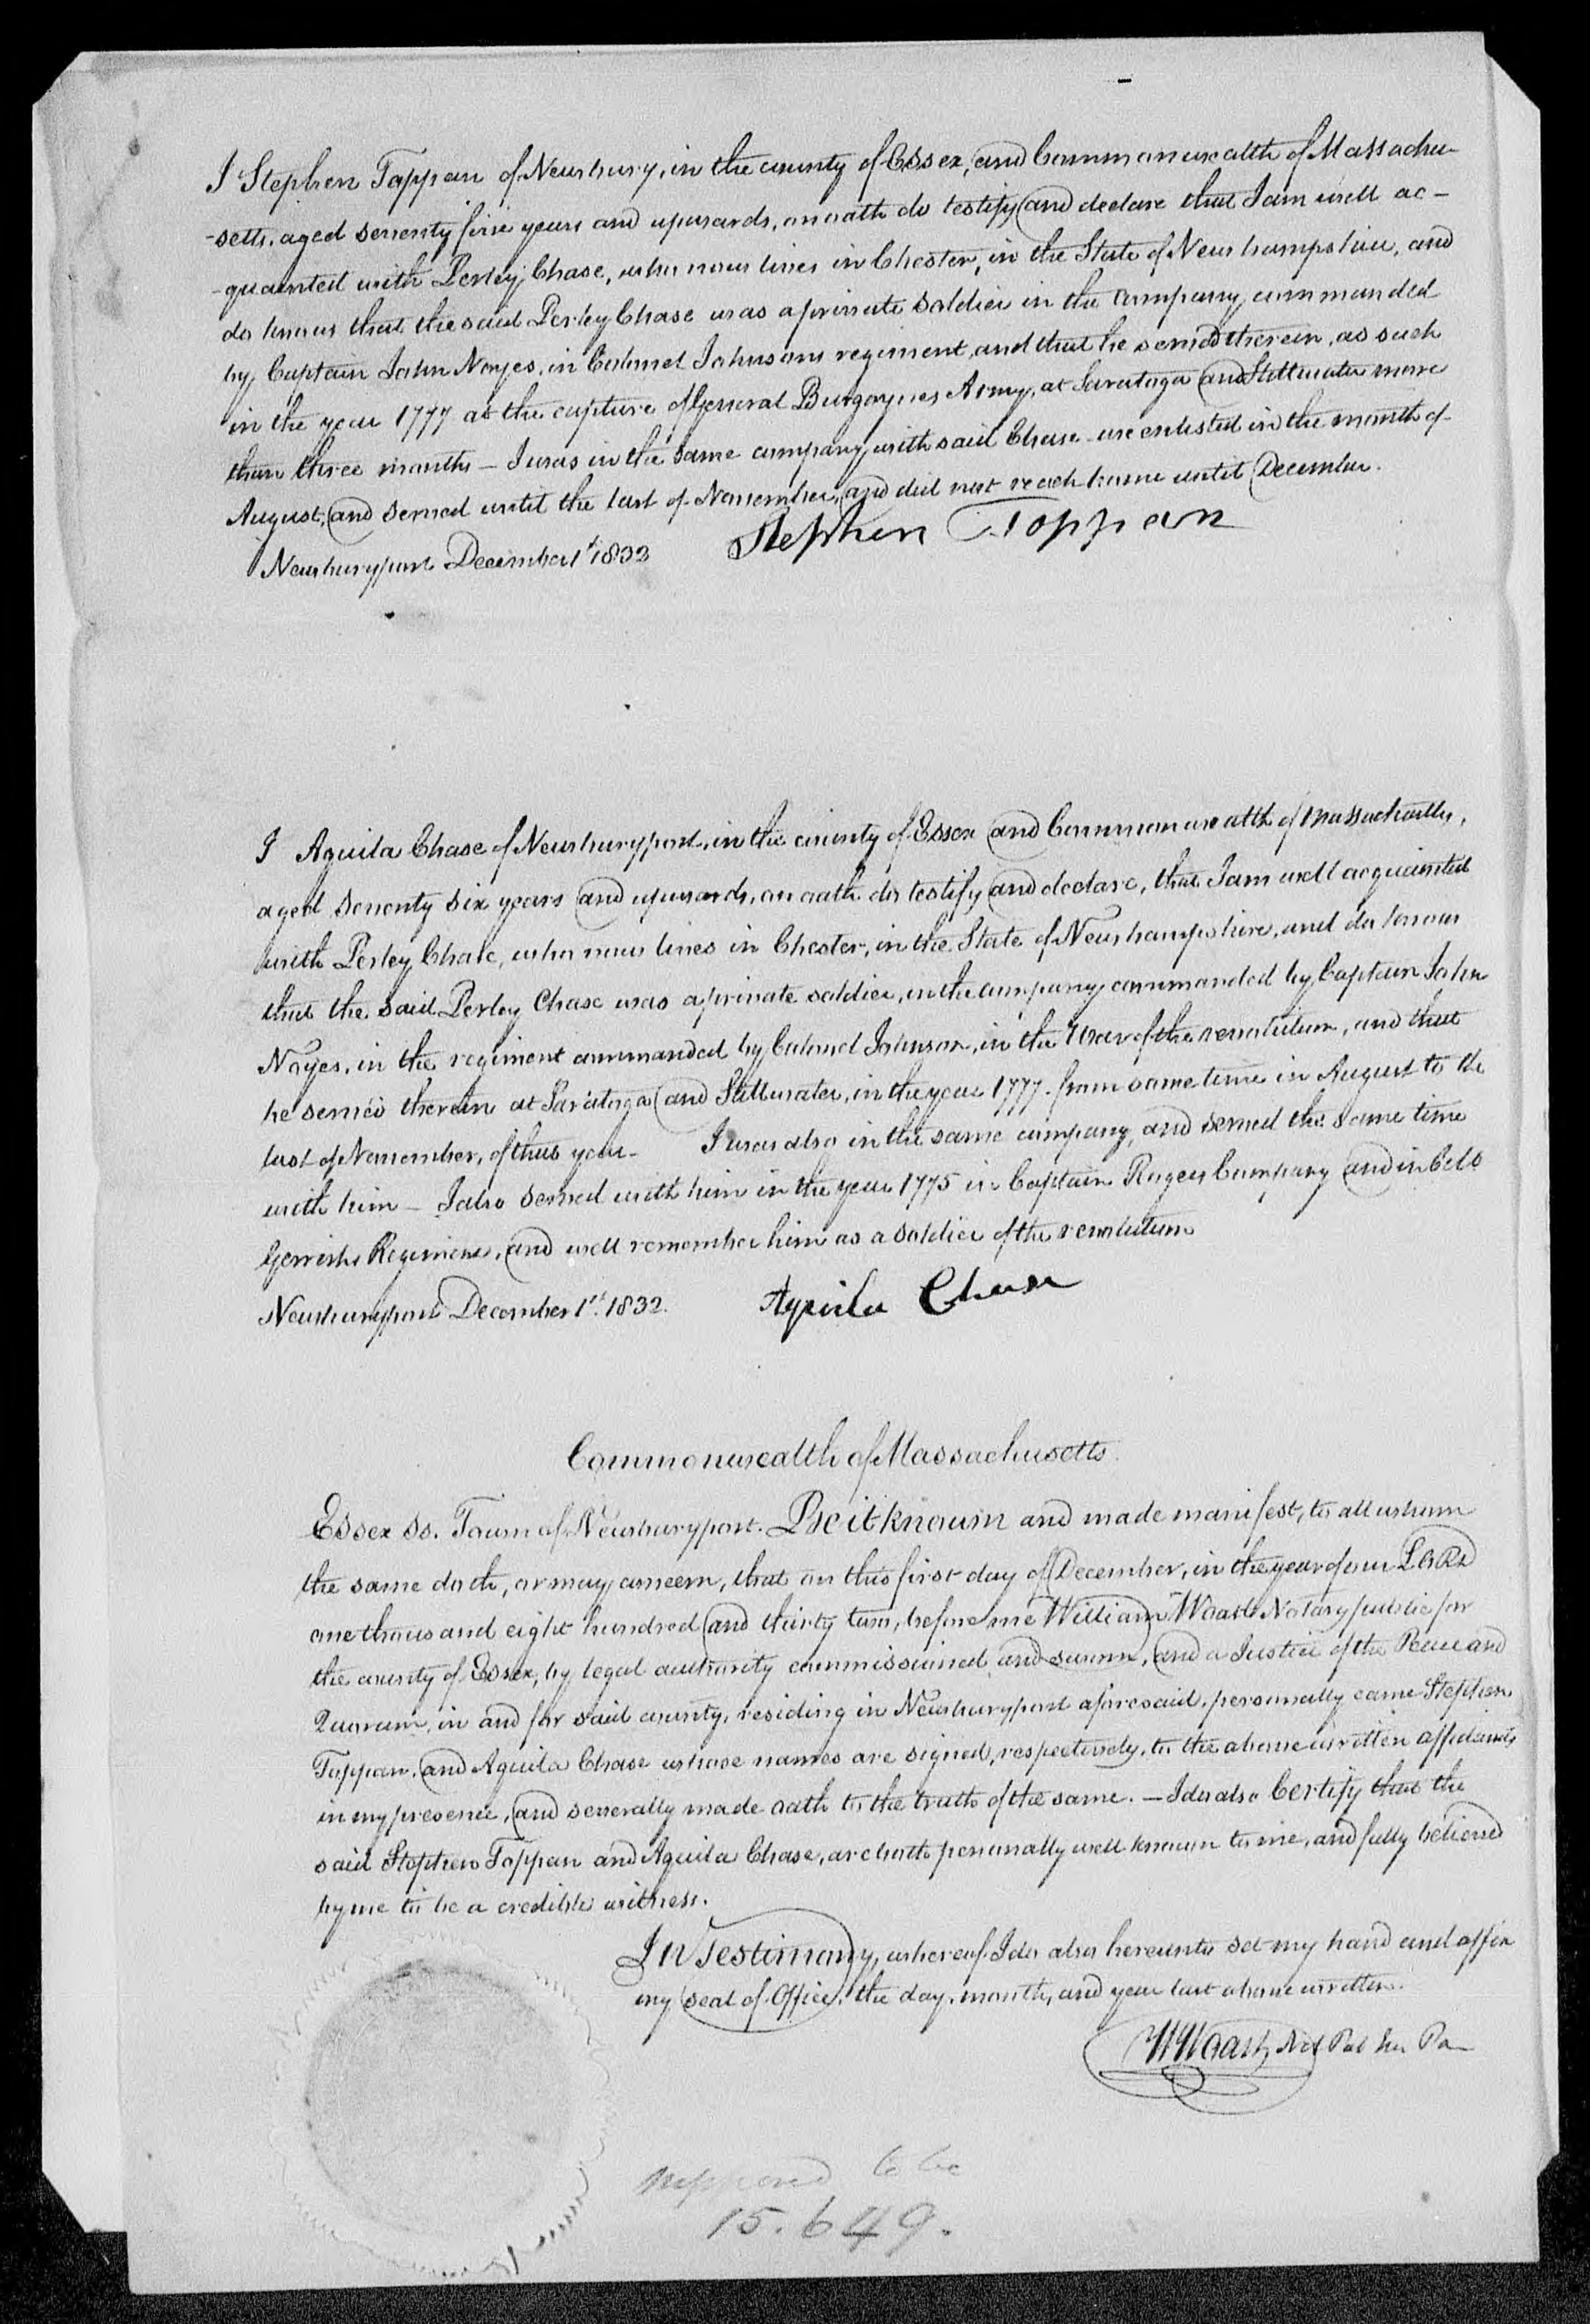I Stephen Tappan of Newbury, in the County of Essex, and Commonwealth of Massachusetts aged seventy five years and upwards, on oath do testify and declare that I am well acquainted with Perley Chase who now lives in Chester, in the State of 
New Hampshire, and do (illegible) that the said Perley Chase was a private soldier in the company commanded by Captain John Noyes, in Colonel Johnsons regiment, and that he served therein, as such
in the year 1777 at the capture of General Burgoynes Army, at Saratoga and Stillwater more than three months- I was in the same company with said Chase--we enlisted in the month of August, and served until the last of November, and did not reach home 
until December.
Newburyport December 1st, 1832    Stephen Tappan

I Aquila Chase of Newburyport, in the county of Essex and Commonwealth of Massachusetts, aged Seventy six years and upwards, on oath do testify and declare, that I am well acquainted with Perley Chase, as he now lives in Chester, in the State of New Hampshire, and do know that the said Perley Chase was a private soldier, in the company commanded by Captain John Noyes in the regiment commanded by Colonel Johnson, in the rear of the revolution, and that
he served therein at Saratoga and Stillwater, in the year 1777. from some time in August to the last of November, of this year.  I was also in the same company, and served the same time with him-- I also served with him in the year 1775 in Captain Rogers Company and in Col. Gerrish Regiment, and well remember him as a soldier of the revolution.
Newburyport December 1st 1832   Aquila Chase

Commonwealth of Massachusetts
Essex Ss. Town of Newburyport. Be it known and made manifest, to all whom
the same doth or may concern, that on this first day of December, in the year of our Lord one thousand eight hundred and thirty two, before me William Woart Notary public for
the county of Essex, by legal authority commissioned and sworn, and a Justice of the Peace and Quorum, in and for said county, residing in Newburyport aforesaid personally came Stephen Tappan and Aquila Chase whose names are signed, respectively to the above written affidavits in my presence, and severally made oath to the truth of the same. I do also Certify that the said Stephen Tappan and Aquila Chase, are both personally well unto me, and fully believed by me to be a credible witness.
In Testimony whereof, I do also hereunto set my hand and affix
my seal of Office the day, month and year last above written.
W. Woart Not. Pub. (illegible)

 (illegible) to be
15.649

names: Stephen Toppan, Perley Chase, Stephen Toppan, Perley Chase, Johnson, William Woart, Stephen Toppan, W Woart, John Noyes, Stephen Toppan, Aquila Chase, Chase, Perley Chase, John Noyes, Aquila Chase, Perley Chase, Aquila Chase, Aquila Chase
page: 19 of 24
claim: survivor's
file: S. 17879, Perley Chase, Continental Mass.